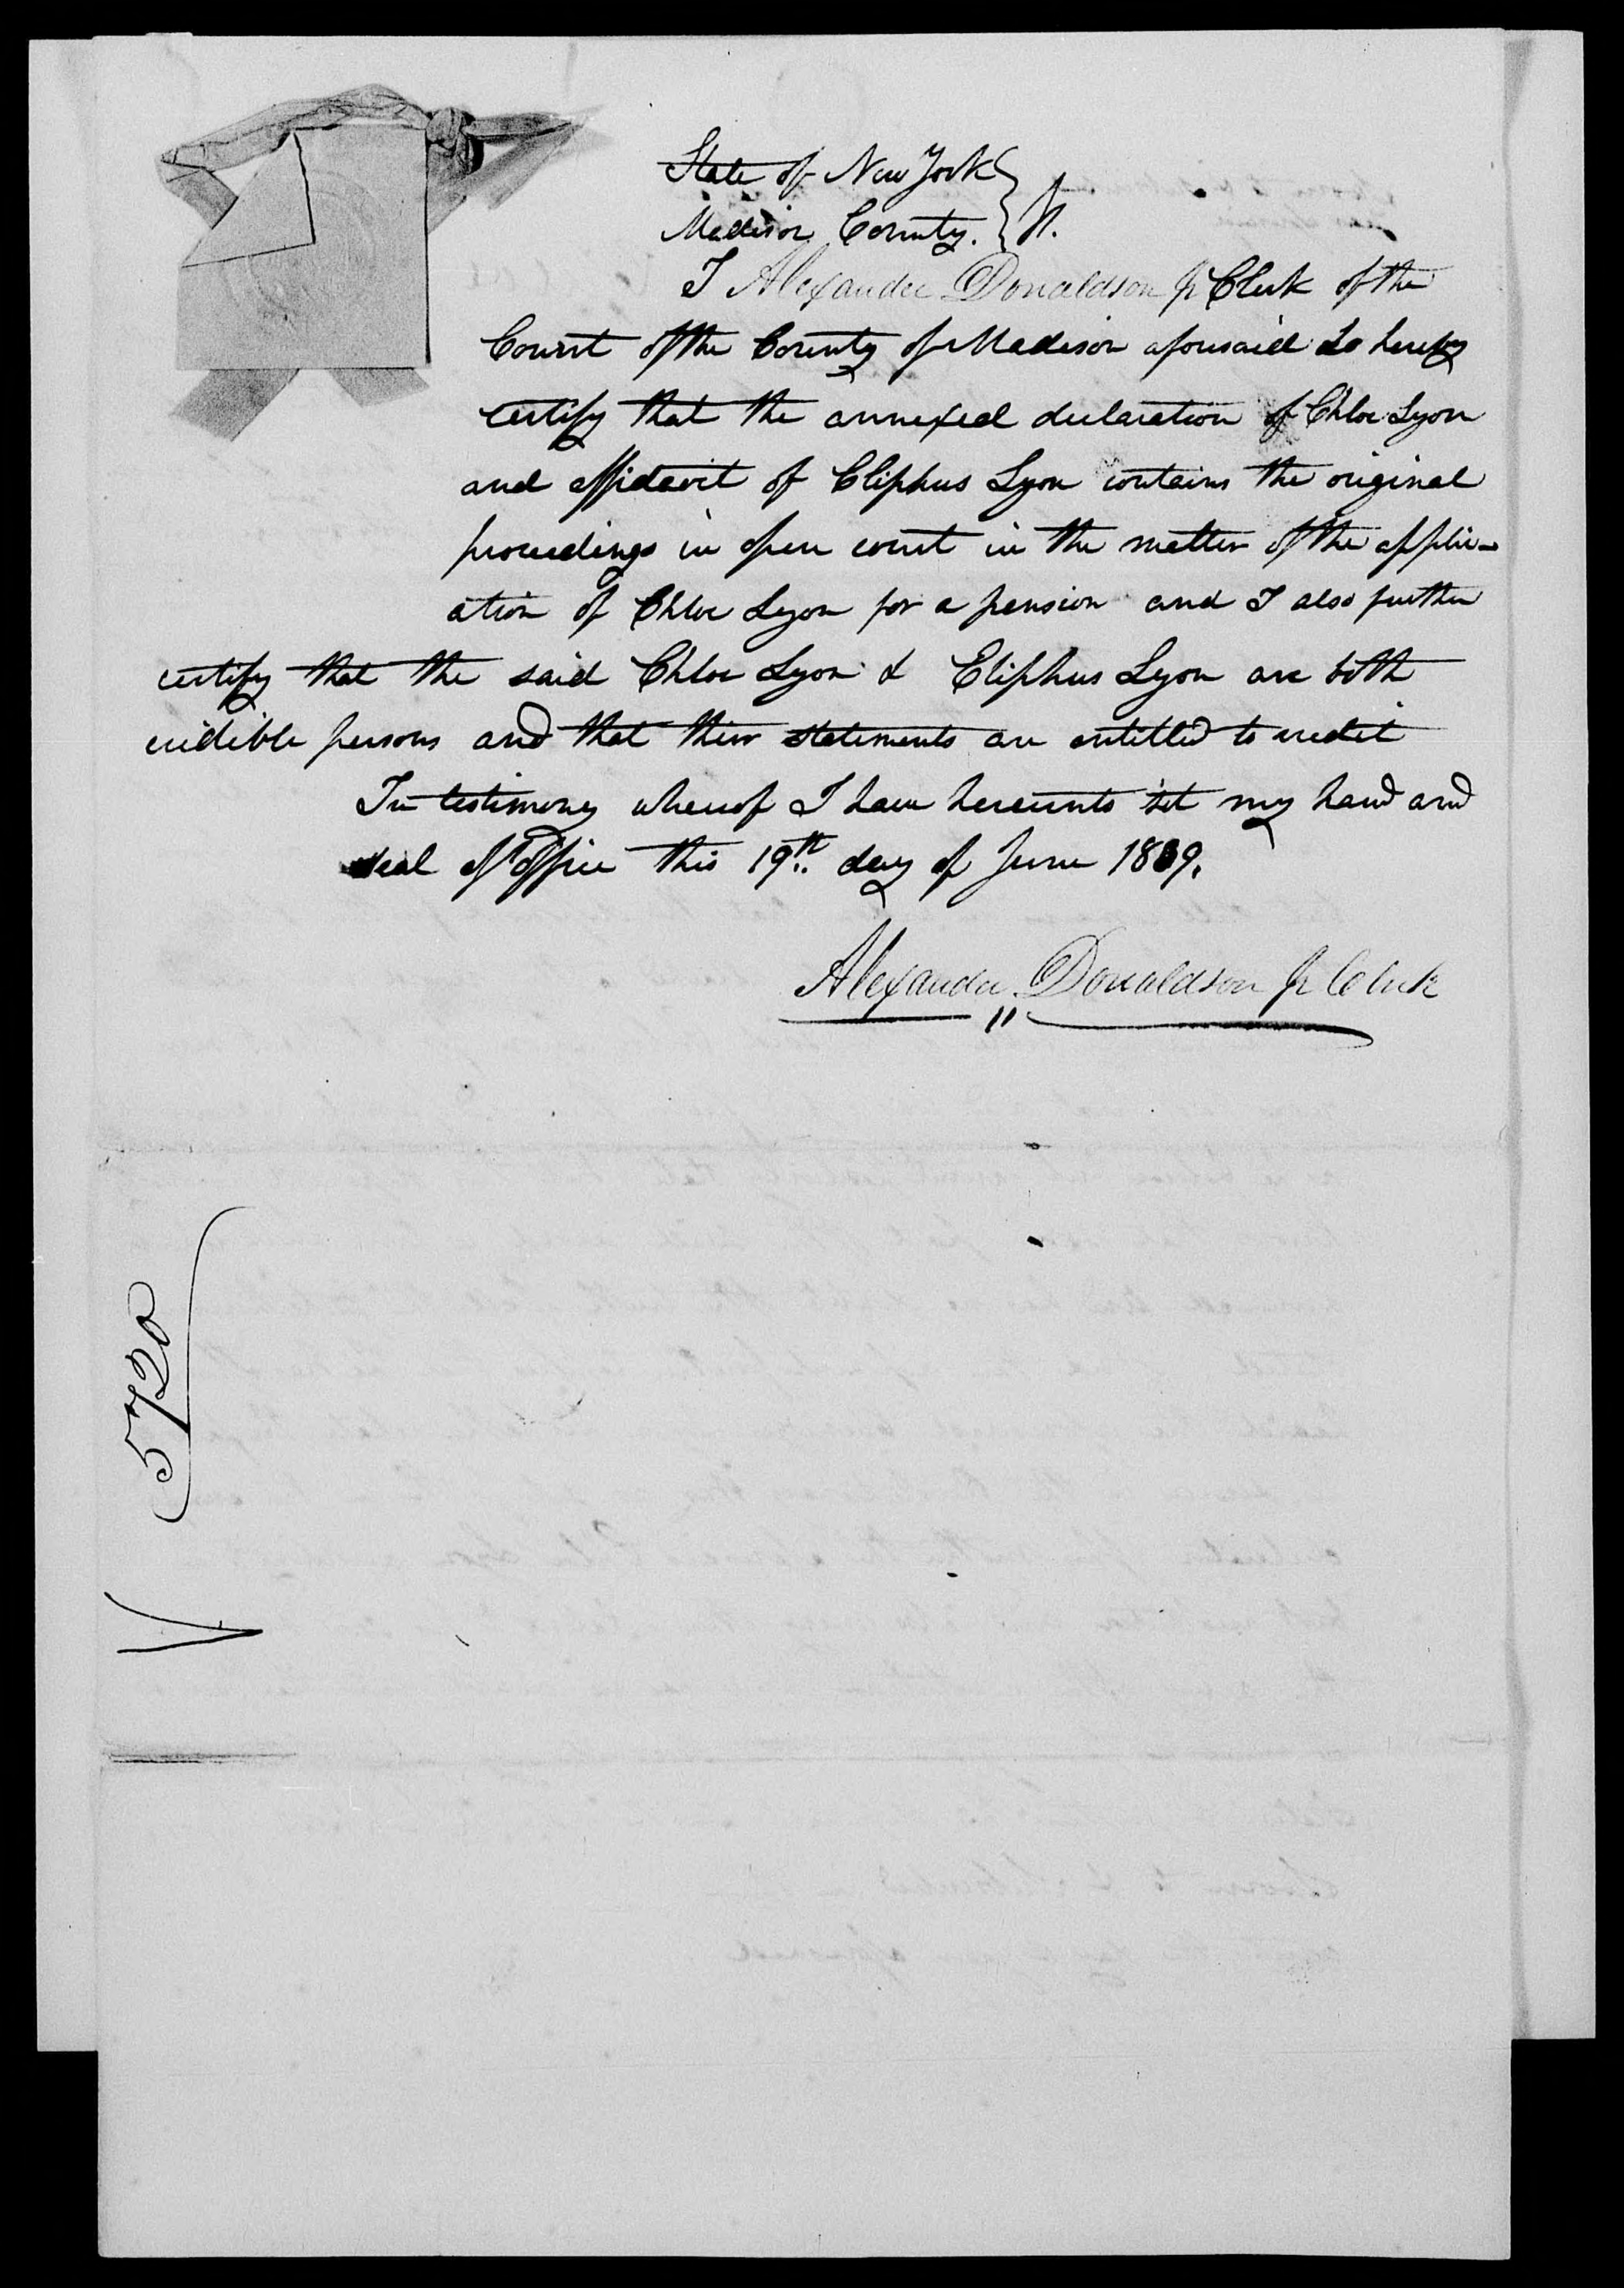State of New York
Madison County. ss.
I Alexander Donaldson Jr Clerk of the Court of the County of Madison aforesaid do hereby certify that the annexed declaration of Chloe Lyon and affidavit of Eliphus Lyon contains the original proceedings in open court in the matter of the application of Chloe Lyon for a pension and I also further certify that the said Chloe Lyon & Eliphus Lyon are both credible persons and that their statements are entitled to credit
In testimony whereof I have hereunto set my hand and seal of office this 19th day of June 1839.
Alexander Donaldson Jr Clerk

[Seal]
5720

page: 8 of 40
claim: widow's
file: W. 24,615, for Ebenezer Lyon, Connecticut